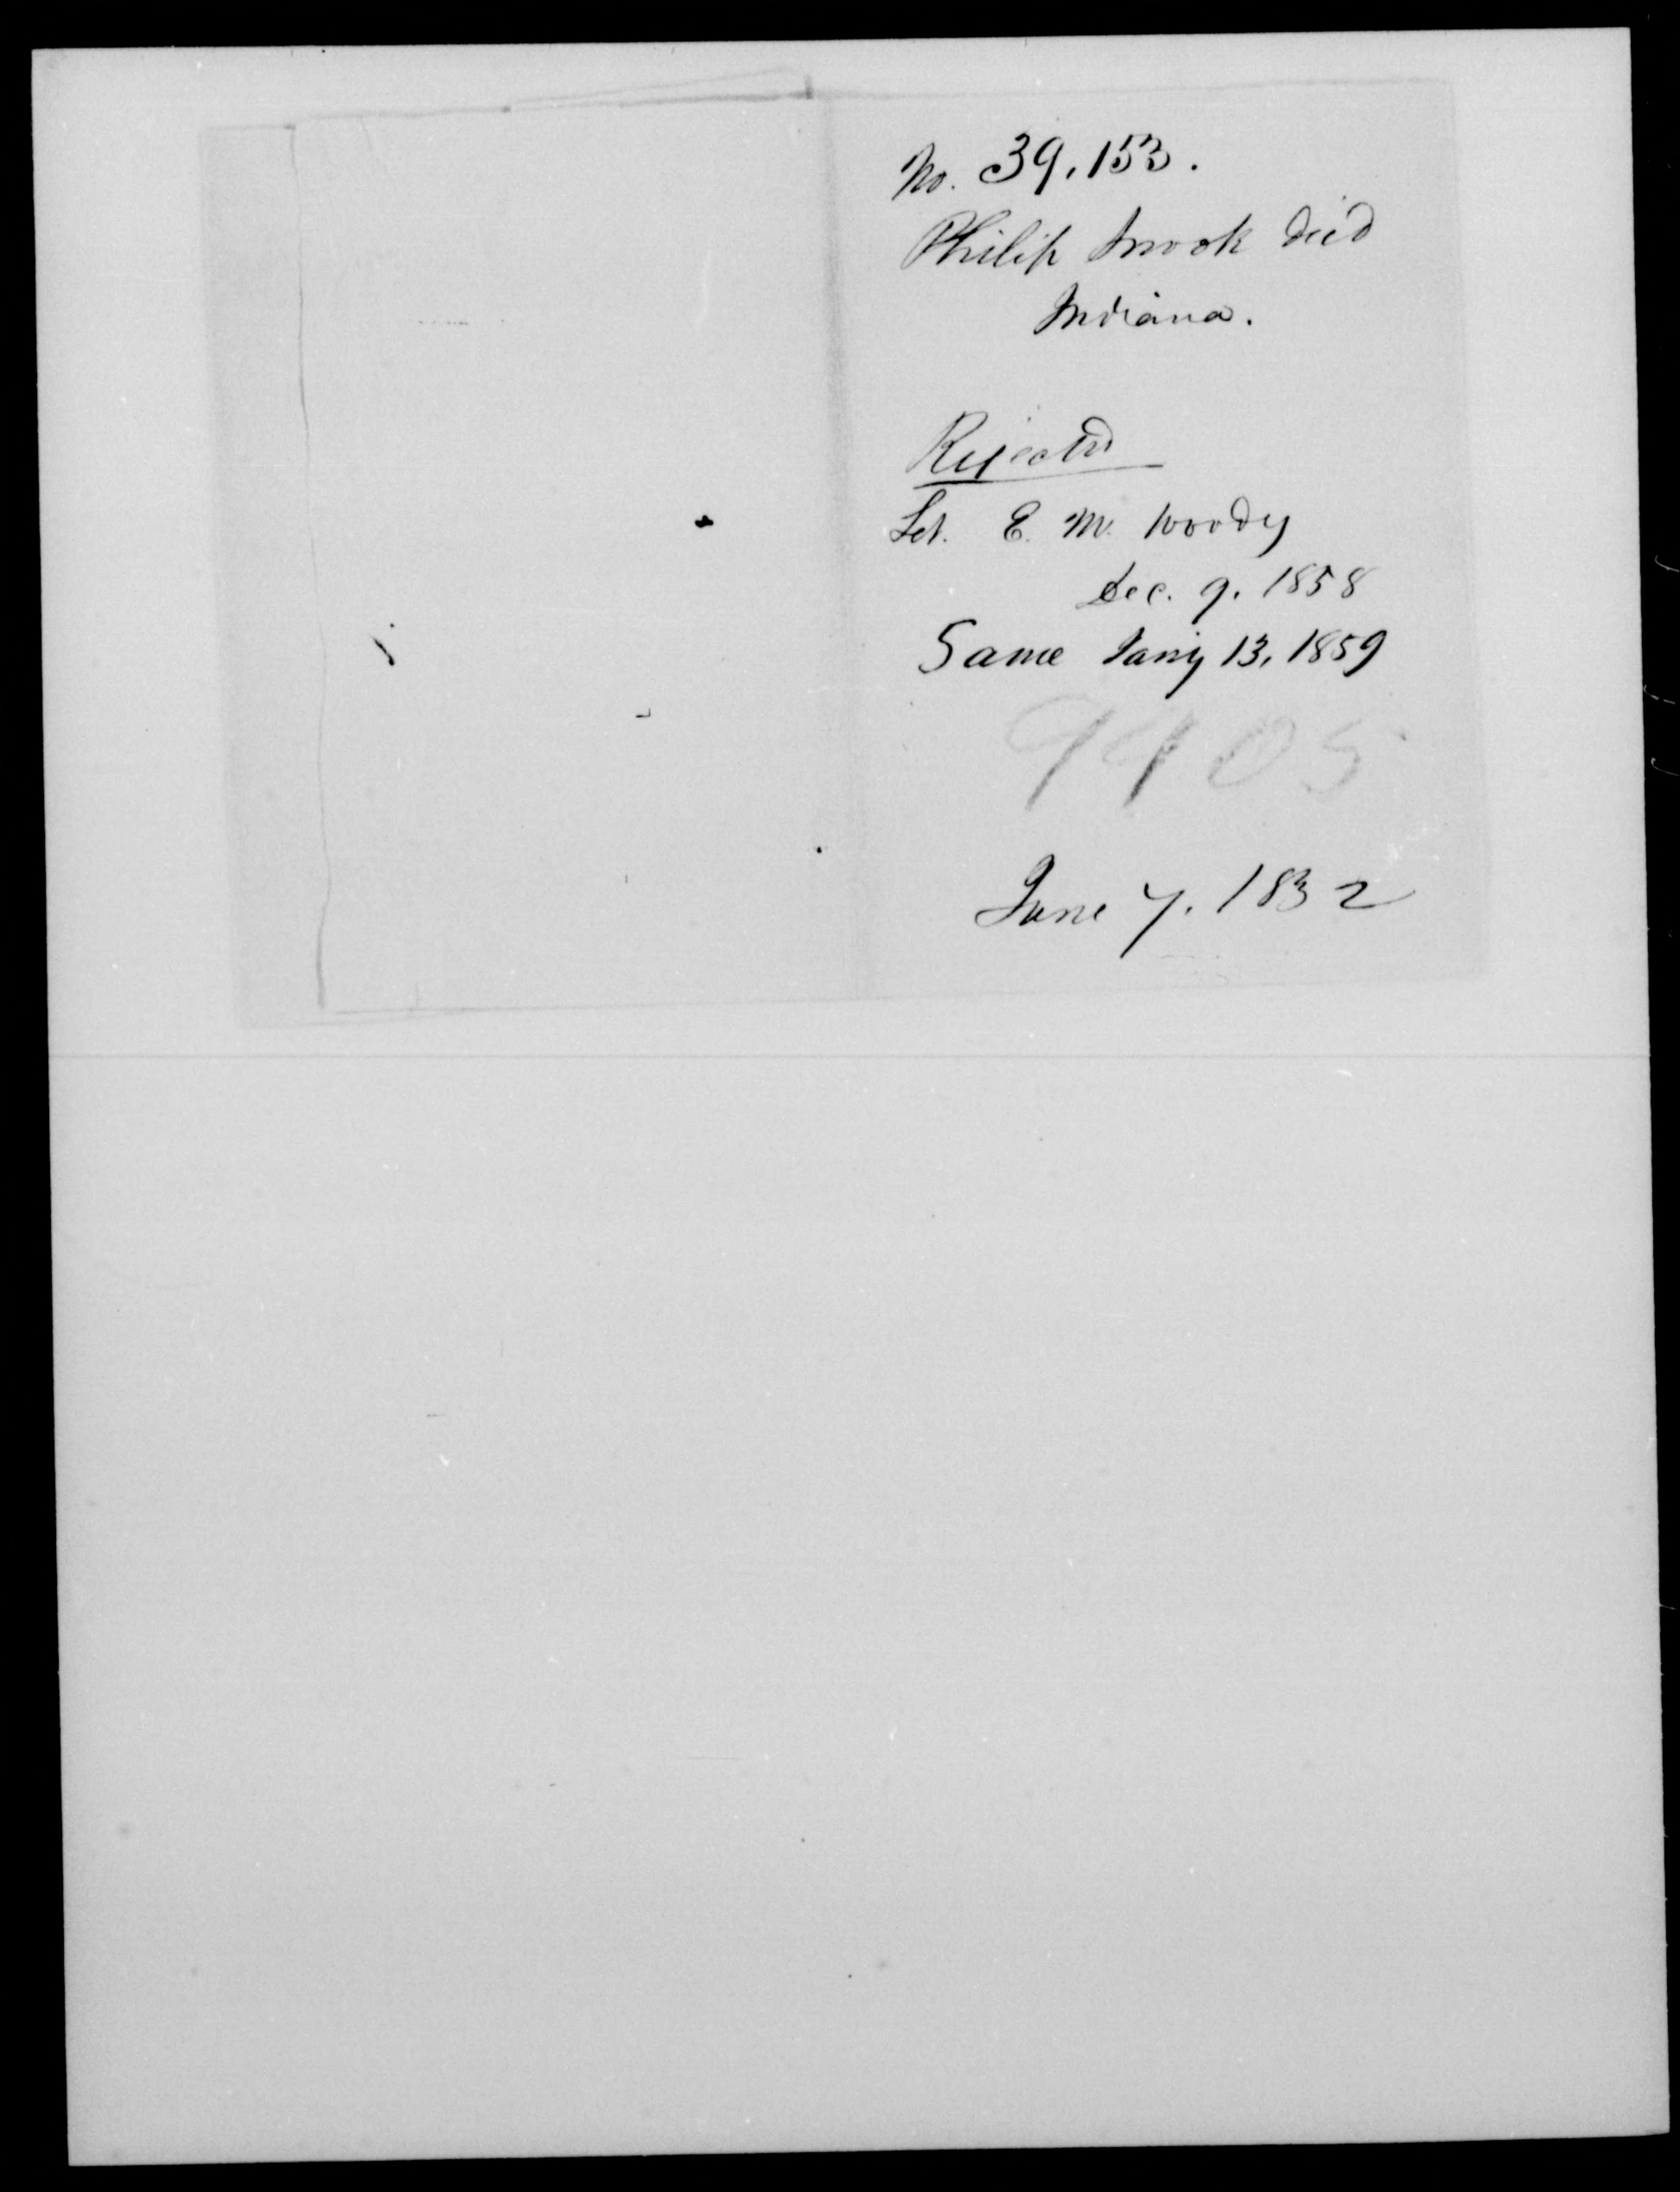No. 39.153

Philip Snook Dec'd
Indiana

Reported

Lt. E. M. Woody
Dec 9, 1858
Same Jany. 13, 1859

[handwritten 9905]

June 7, 1832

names: E M Woody; Philip Snook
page: 4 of 15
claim: rejected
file: R. 9,905, for Philip Snook, New Jersey